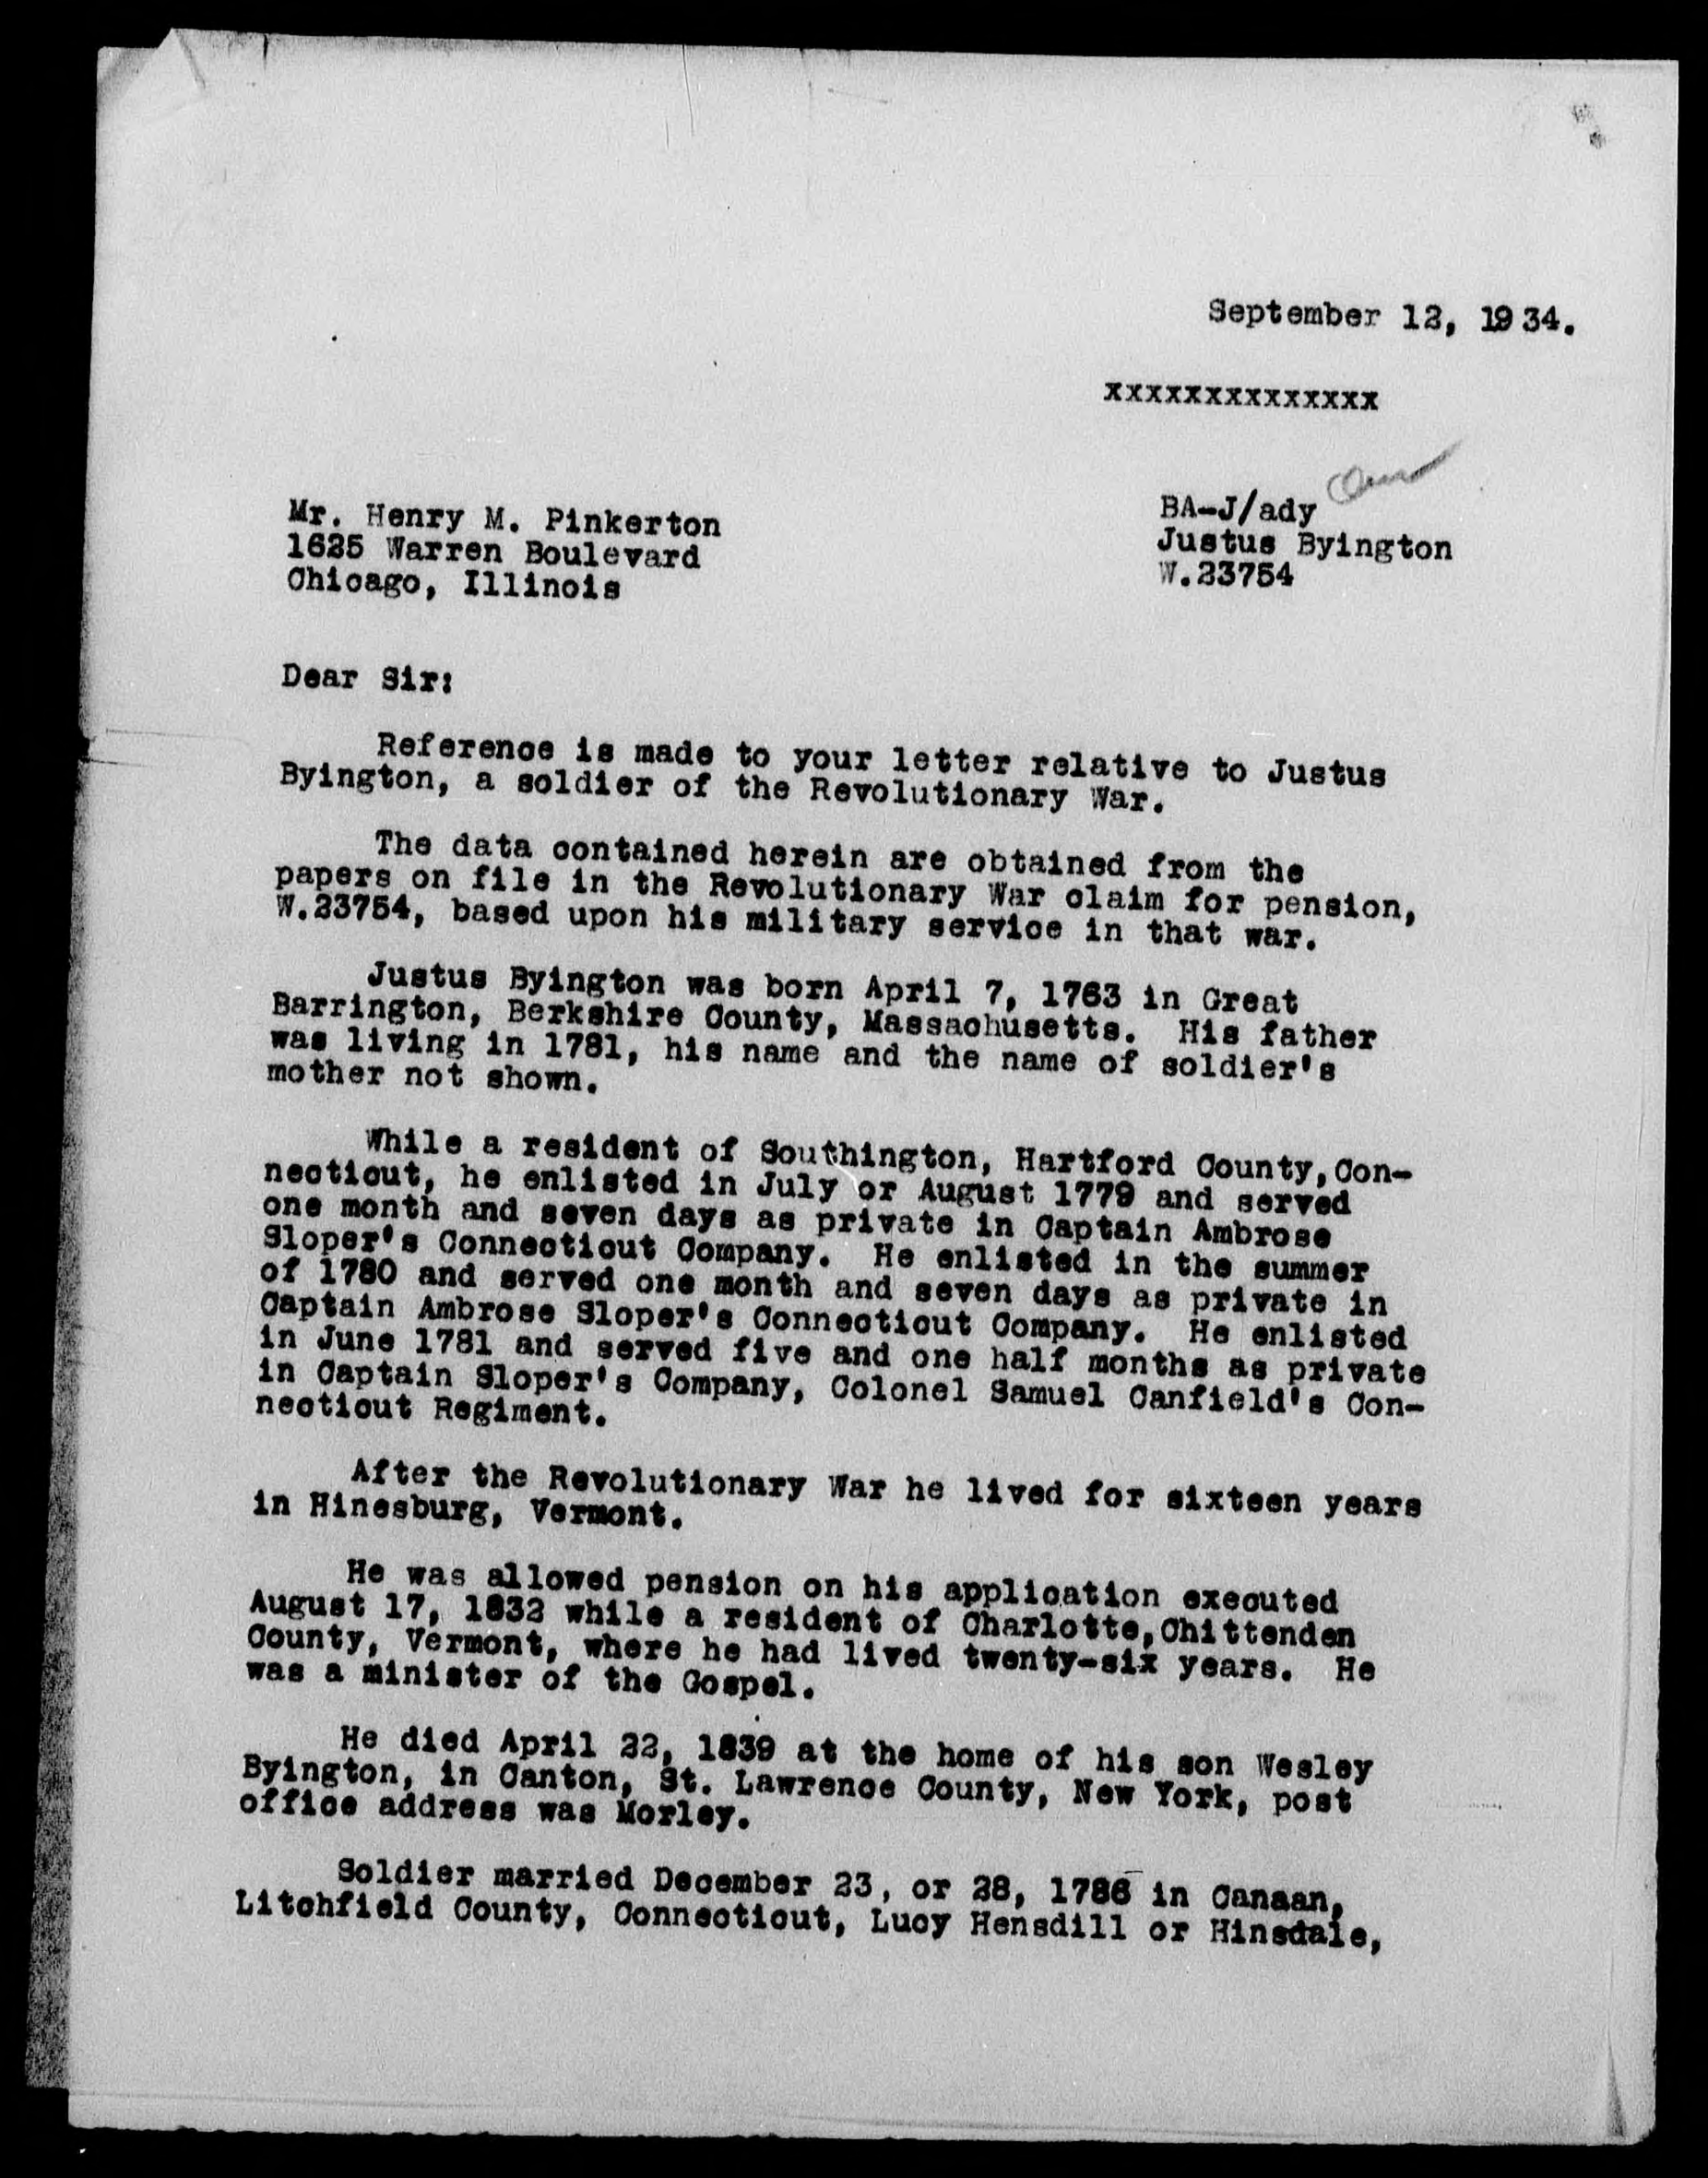September 12, 1934.
xxxxxxxxxxxxxxx

Mr. Henry M. Pinkerton
1625 Warren Boulevard
Chicago, Illinois

BA-J/ady
Justus Byington
W.23754

Dear Sir:

Reference is made to your letter relative to Justus Byington, a soldier of the Revolutionary War.

The data contained herein are obtained from the paper on file in the Revolutionary War claim for pension, W.23754, based upon his military service in that way.

Justus Byington was born April 7, 1763 in Great Barrington, Berkshire County, Massachusetts. His father was living in 1781, his name and the name of soldier's mother not shown.

While a resident of Southington, Hartford County, Connecticut, he enlisted in July or August 1779 and served one month and seven days as private in Captain Ambrose Sloper's Connecticut Company. He enlisted in the summer of 1780 and served on month and seven days as private in Captain Ambrose Sloper's Connecticut Company. He enlisted in June 1781 and served five and one half months as private Captain Sloper's Company, Colonel Samuel Canfield's Connecticut Regiment.

After the Revolutionary War he lived for sixteen years in Hinesburg, Vermont. 

He was allowed pension on his application executed August 17, 1832 while a resident of Charlotte, Crittenden County, Vermont, where he had lived twenty-six years. He was a minister of the Gospel.

He did April 22, 1839 at the home of his son Wesley Byington, in Canton, St. Lawrence County, New York, post office address was Morley.

Soldier married December 23, or 28, 1786 in Canaan Litchfield County, Connecticut, Lucy Hensdill or Hinsdale,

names: Justus Byington, Wesley Byington, Henry M Pinkerton, Justus Byington, Justus Byington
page: 17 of 79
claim: widow's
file: W. 23754, Justus Byington, Conn.